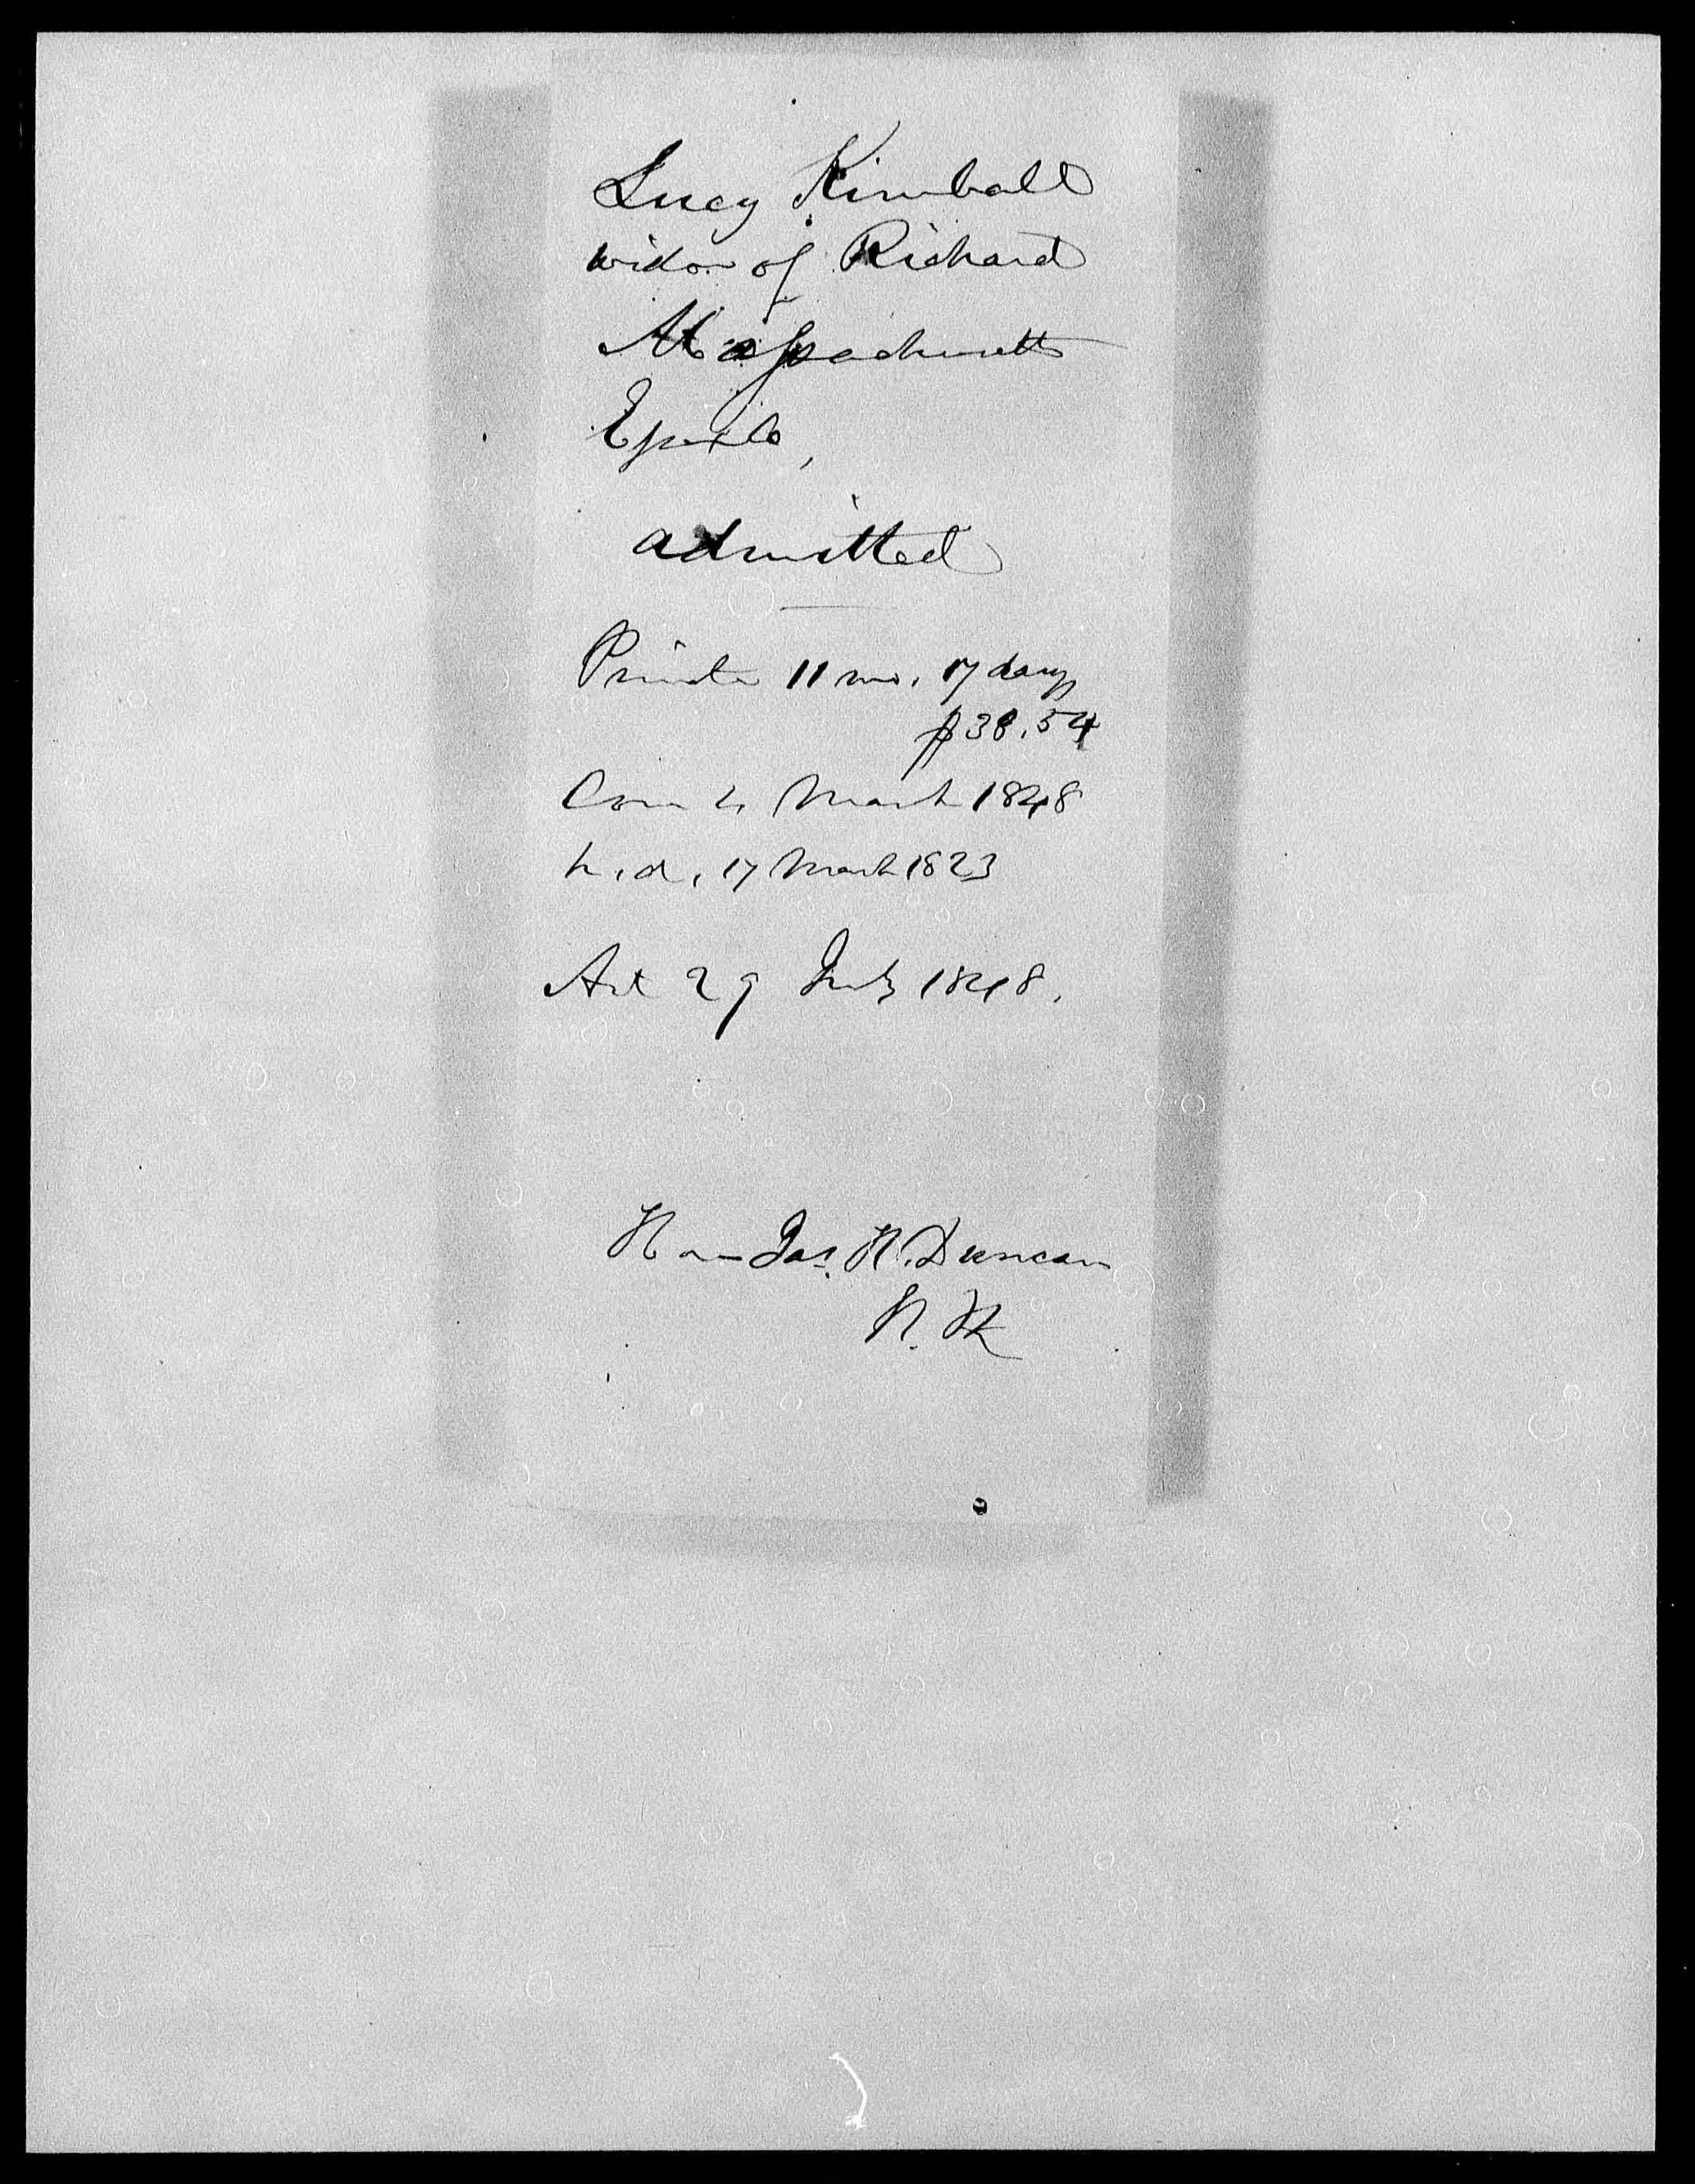Lucy Kimball
Widow of Richard
Massachusetts Essex Co
Admitted
Private 11 mo, 7 day
$38.54
{Illegible} 4 March  1848
{illegible], 17 March 1823
Act 29 July  1848
Hon Jas. R. Duncan
H.R.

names: Richard Kimball; Lucy Kimball; Jas H Duncan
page: 25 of 29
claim: widow's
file: W. 1779, for Richard Kimball, Massachusetts